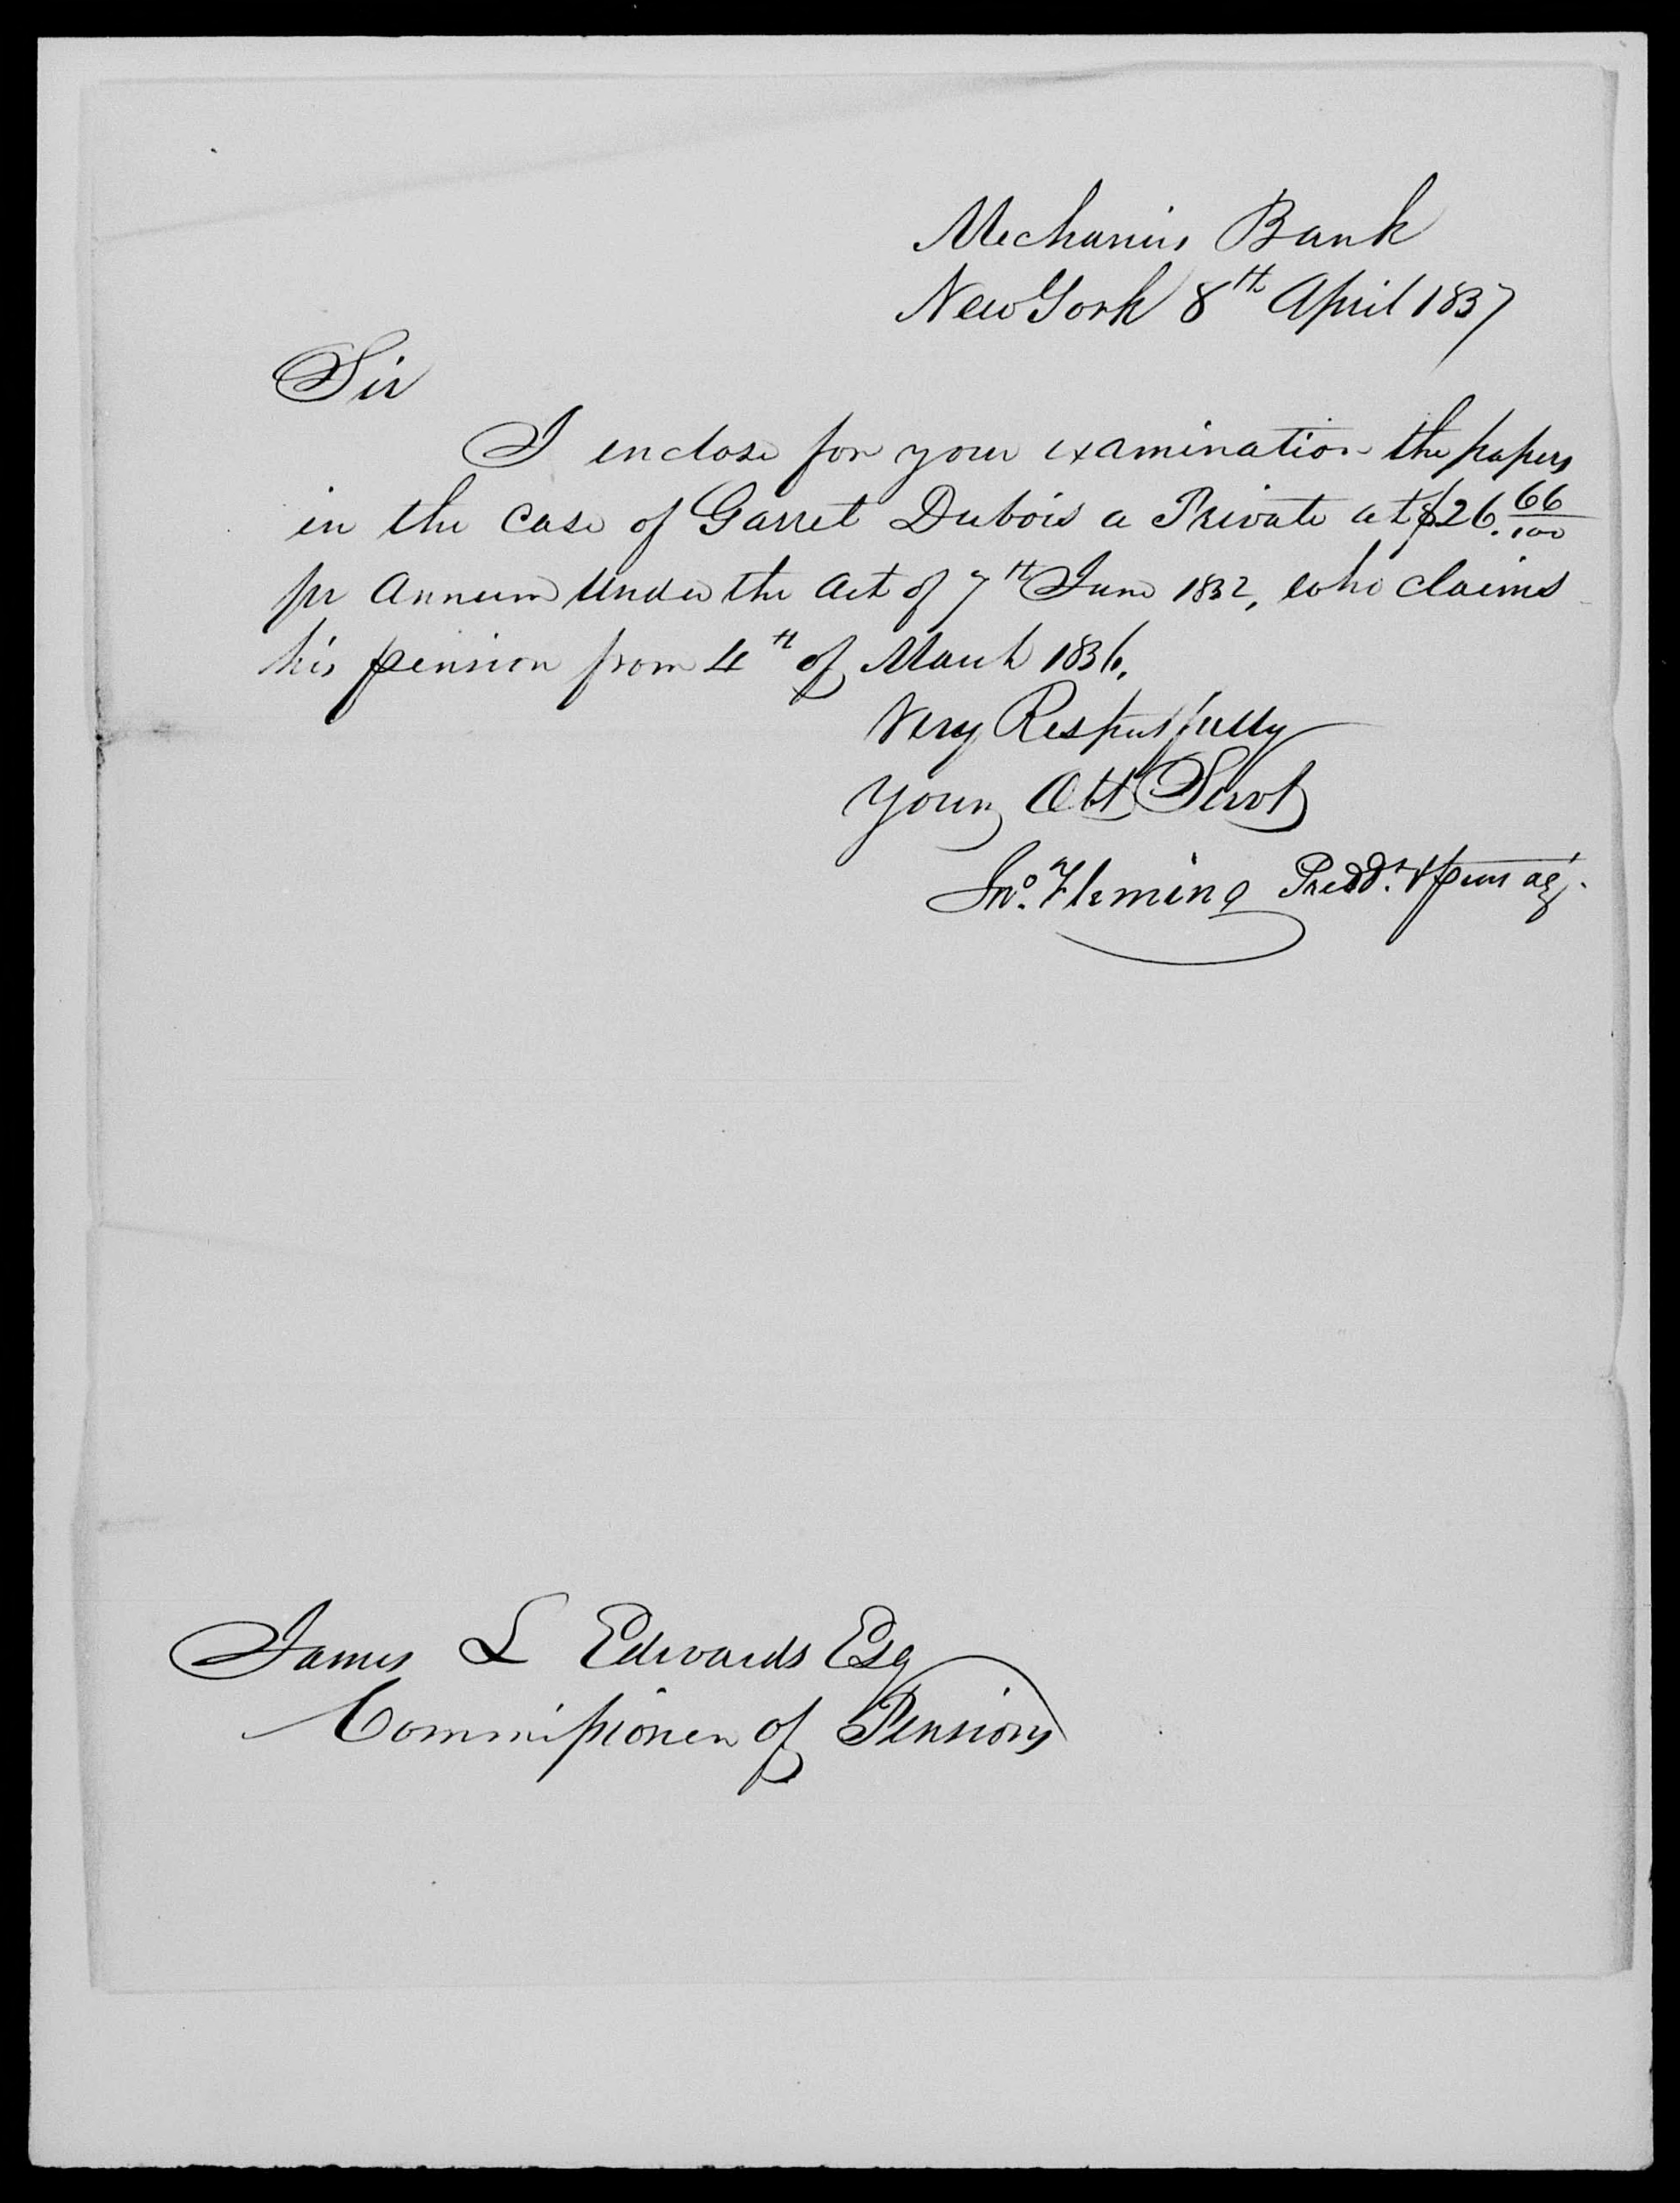Mechanics Bank
New York 8th April 1837

Sir
I enclose for your examination the papers in the case of Garret Dubois a Private at $26 66/100 per annum under the act of 7th June 1832, who claimed his pension from 4th of March 1836.
Very Respectfully
your Obt Sert
Jno Fleming Presd & {illegible]
-
James L Edwards Esq
Commissioner of Pensions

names: James L Edwards, Garret Dubois, Jno Fleming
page: 33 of 36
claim: widow's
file: W 20995, Gerrit Dubois, New York